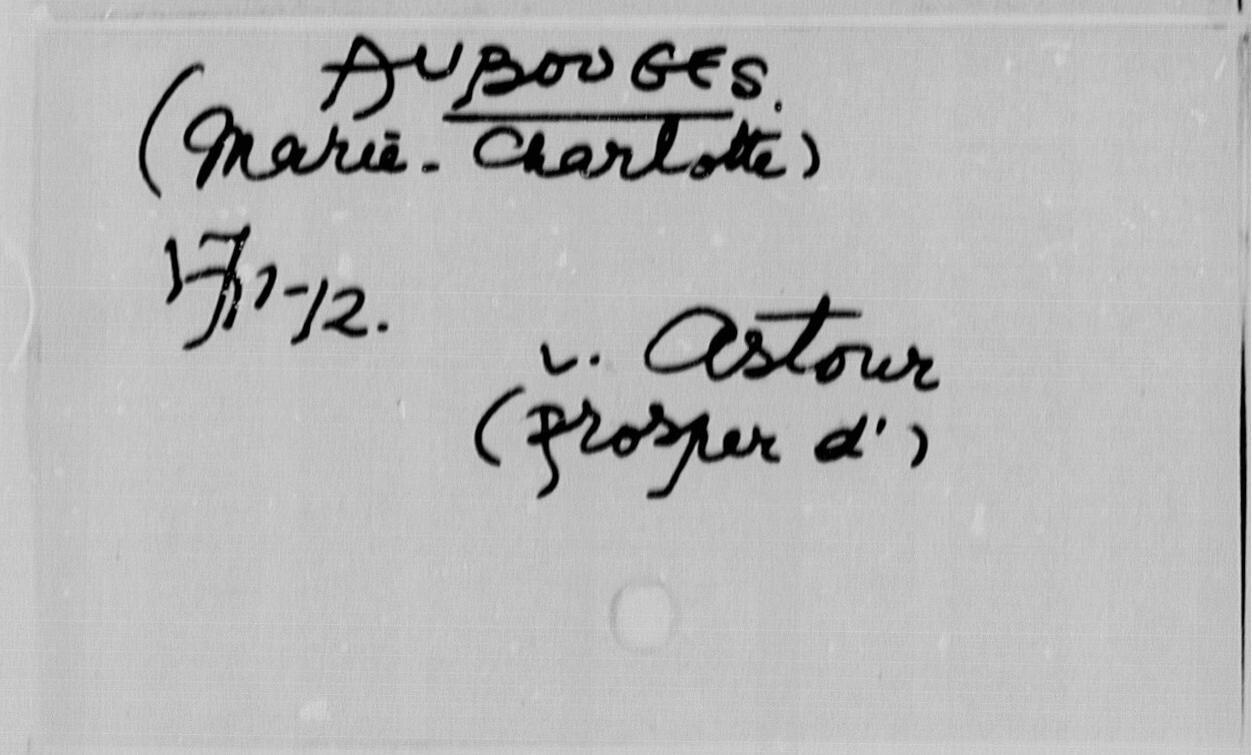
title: AUBOUGES (Marie-Charlotte)
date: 1711-1712
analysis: Voir ASTOUR (Prosper d')
